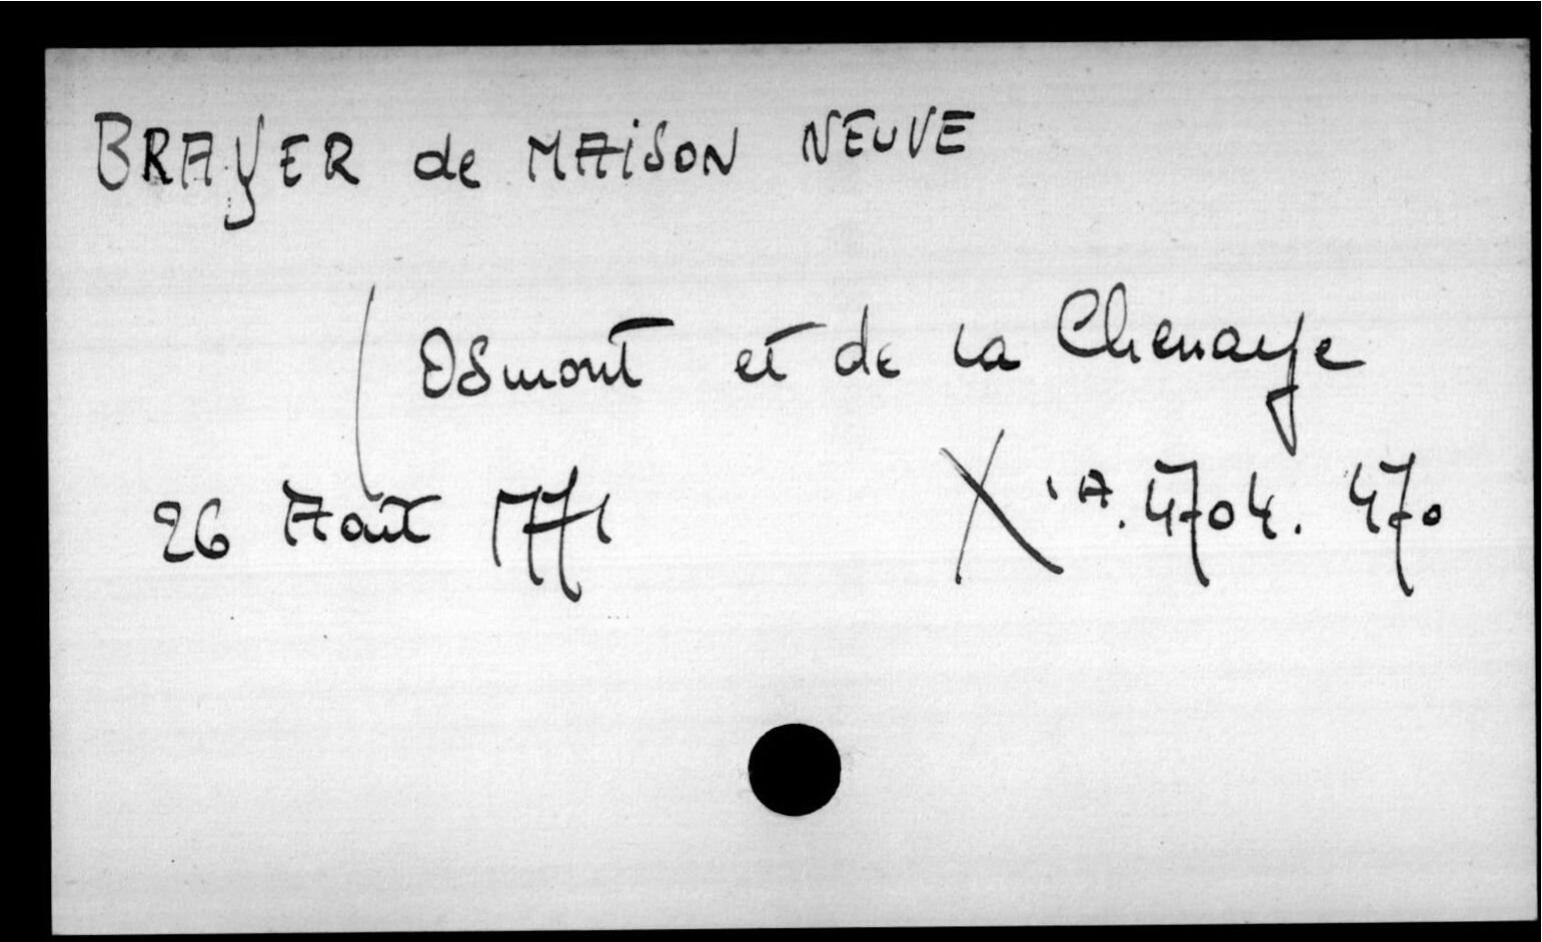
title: BRAYER de MAISON NEUVE
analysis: Contre Osmont et de la Chenaye
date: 26 août 1771
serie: X1A
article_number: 4704
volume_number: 470
